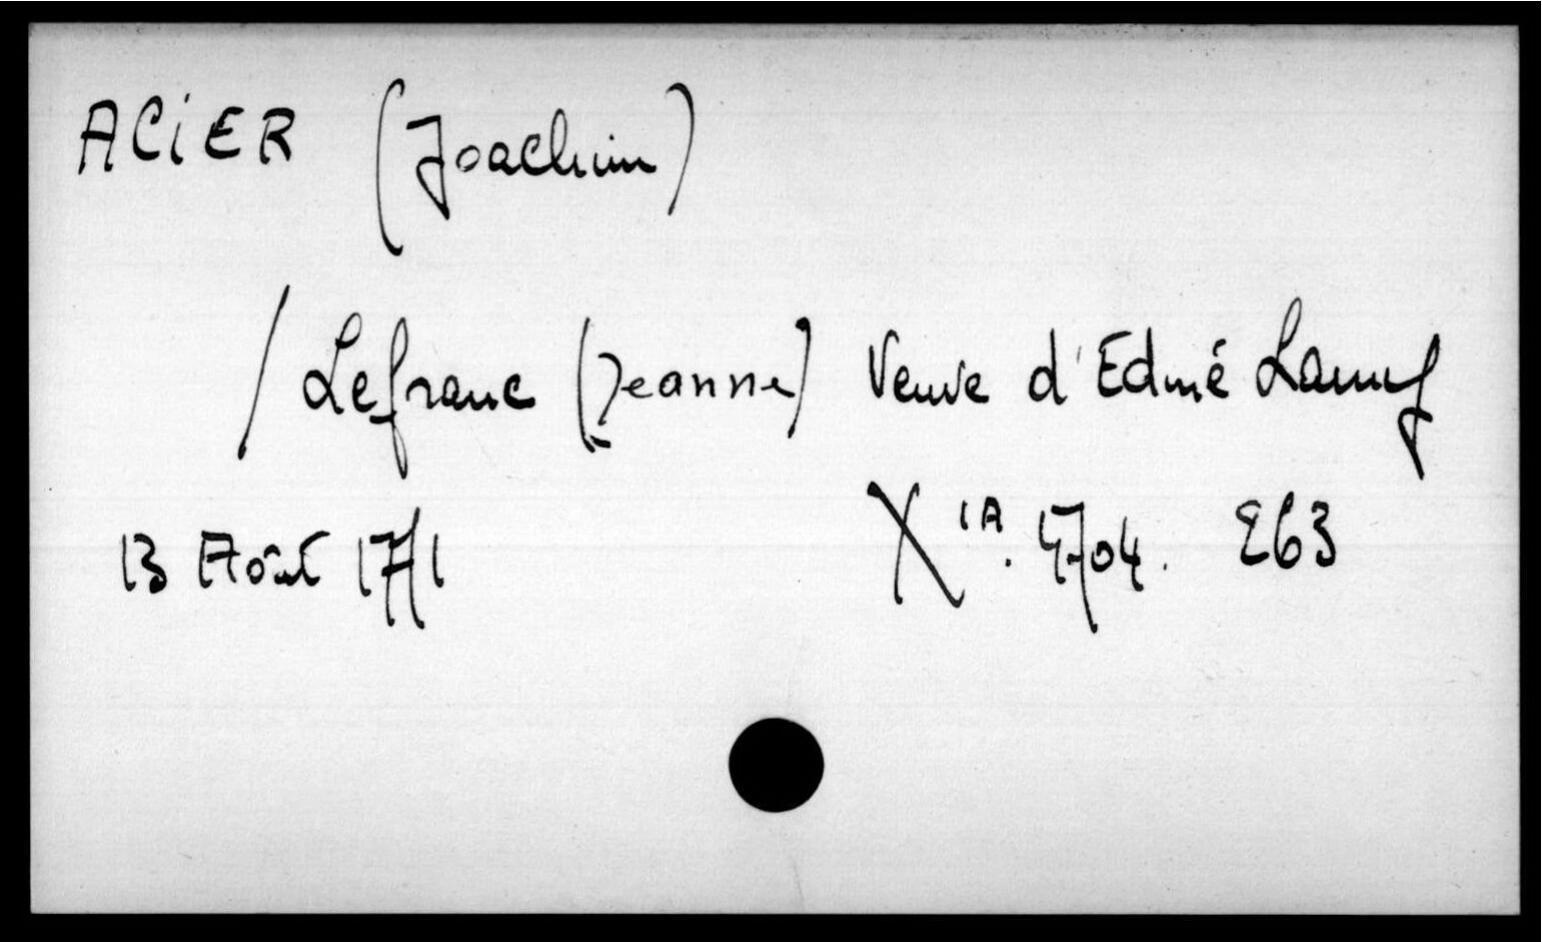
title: ACIER (Joachin)
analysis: Contre Lefranc (Jeanne) Veuve d'Edmé Lamy
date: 13 août 1771
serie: X1A
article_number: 4704
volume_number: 263
